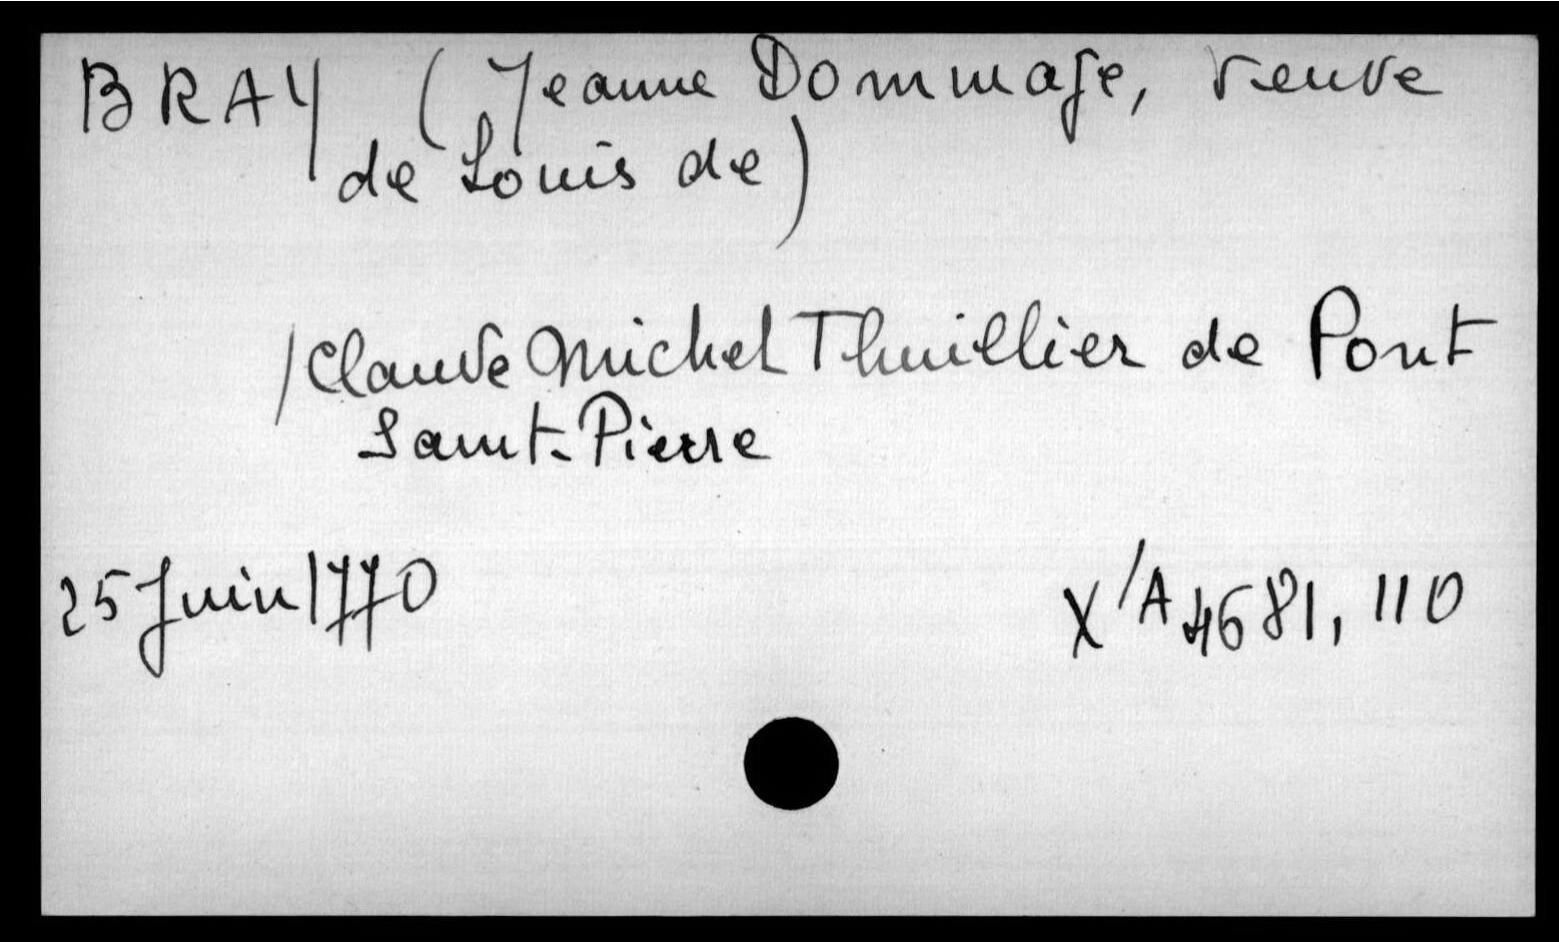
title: BRAY (Jeanne Dommage, Veuve de Louis de)
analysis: Contre Clauve Michel Thuillier de Pont-Saint-Pierre
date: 25 juin 1770
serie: X1A
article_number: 4681
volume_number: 110
